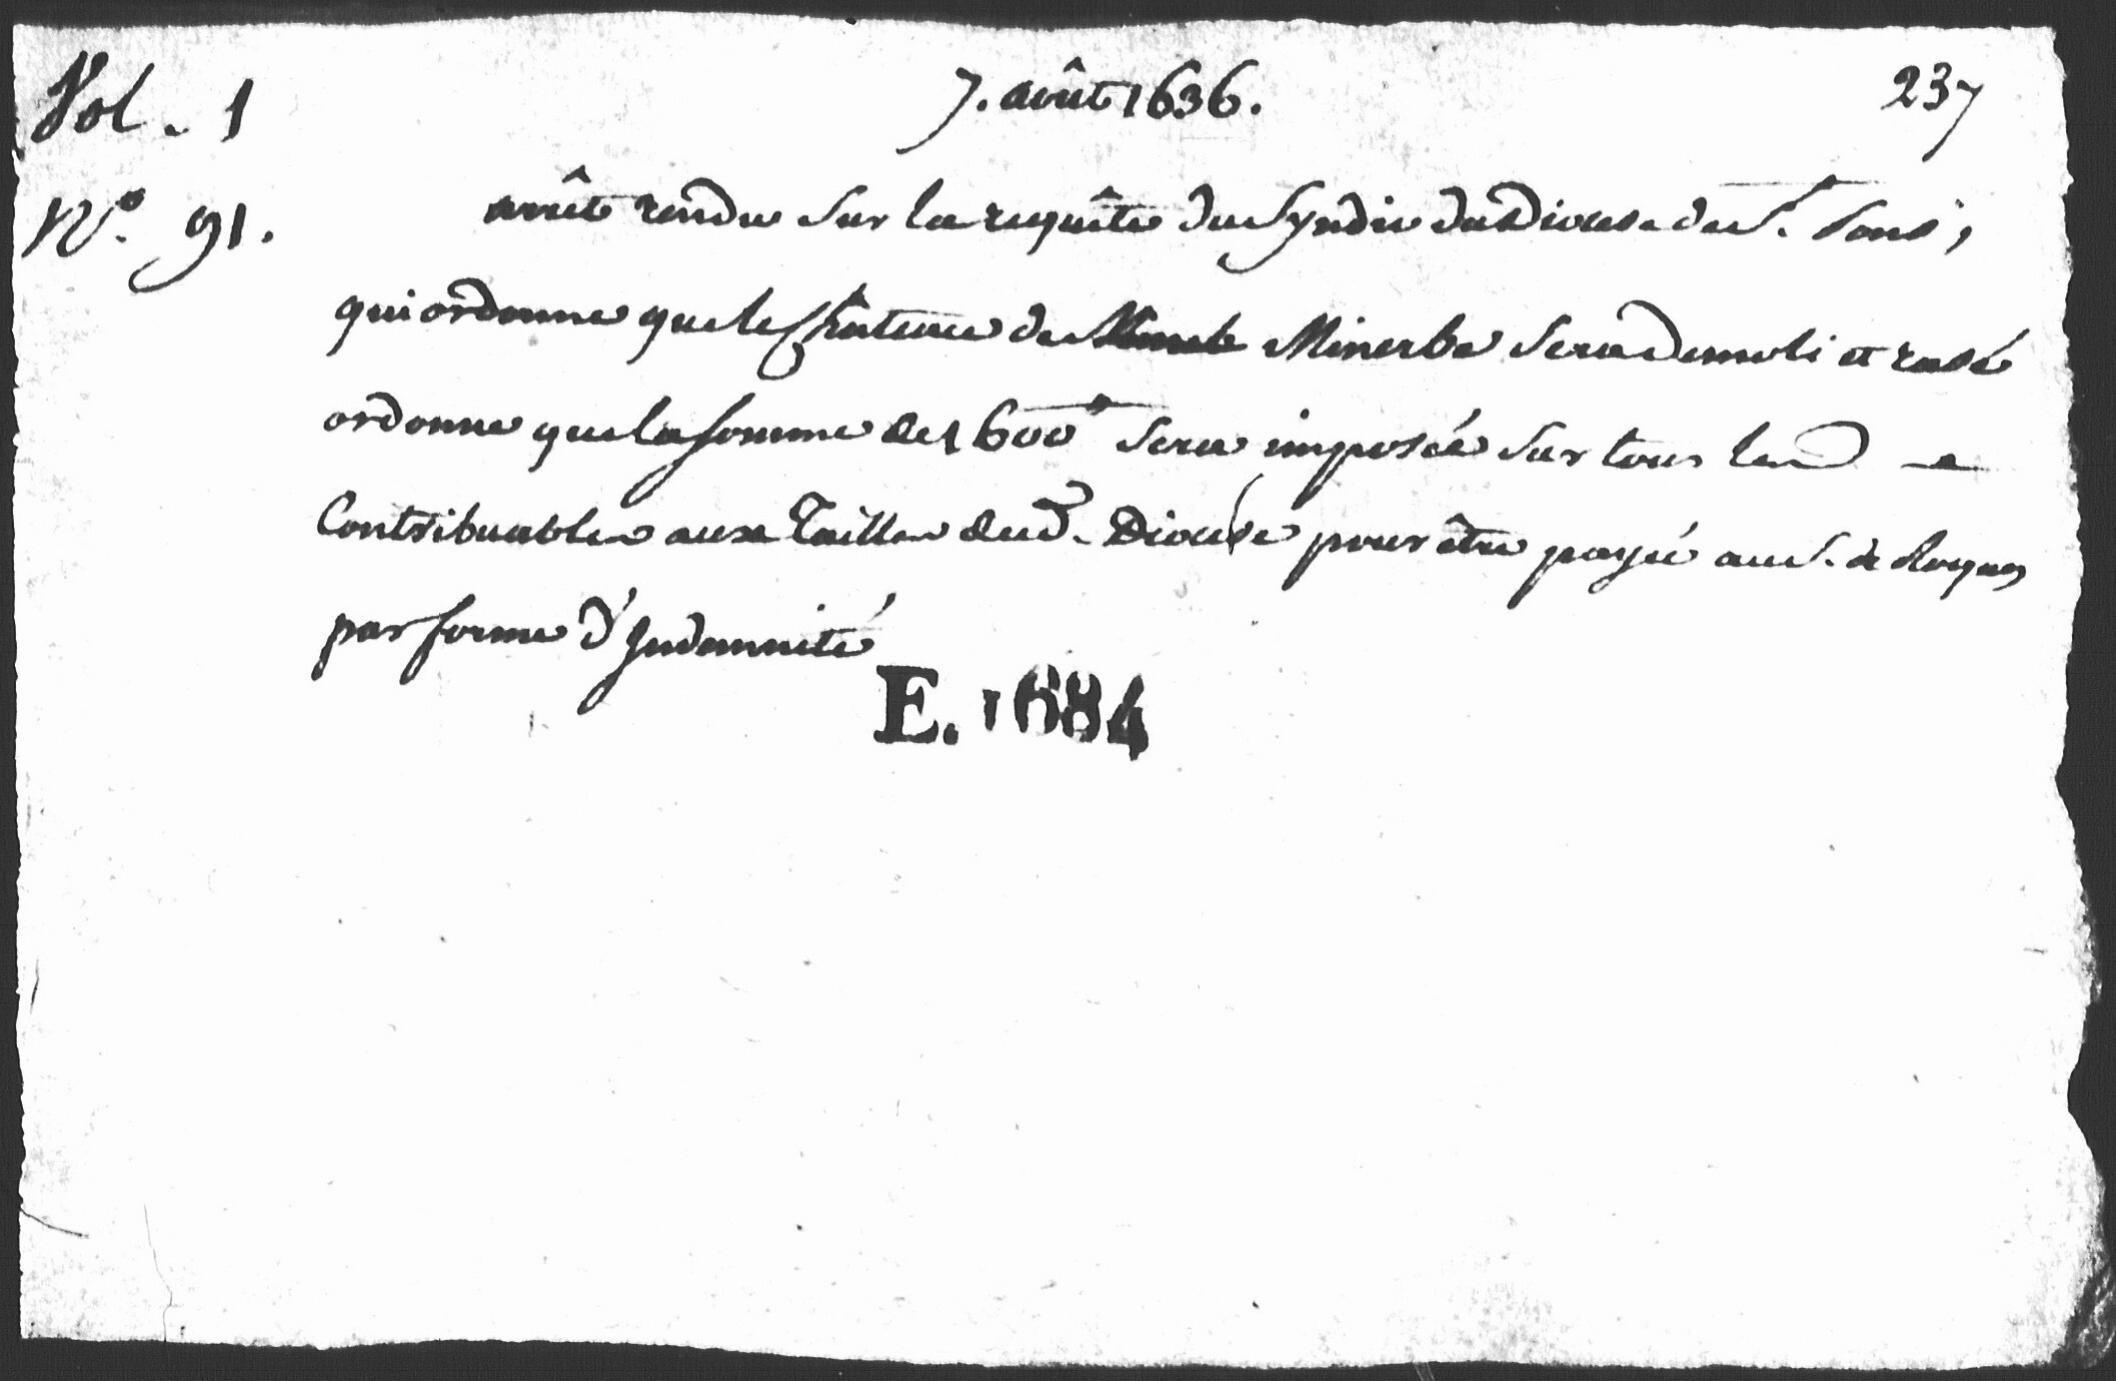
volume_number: n°91
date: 7 août 1636
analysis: arrêt rendu sur la requête du syndic du Diocese de S.t Pons ; qui ordonne que le château de [mot barré] Minerbe sera demoli et rasé ordonne que la somme de 1600 # sera imposée sur tous les contribuables aux tailles dud. Diocese pour être payée au S. de Roques par forme d'indemnité
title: E
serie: E
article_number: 1684
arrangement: vol. 1
